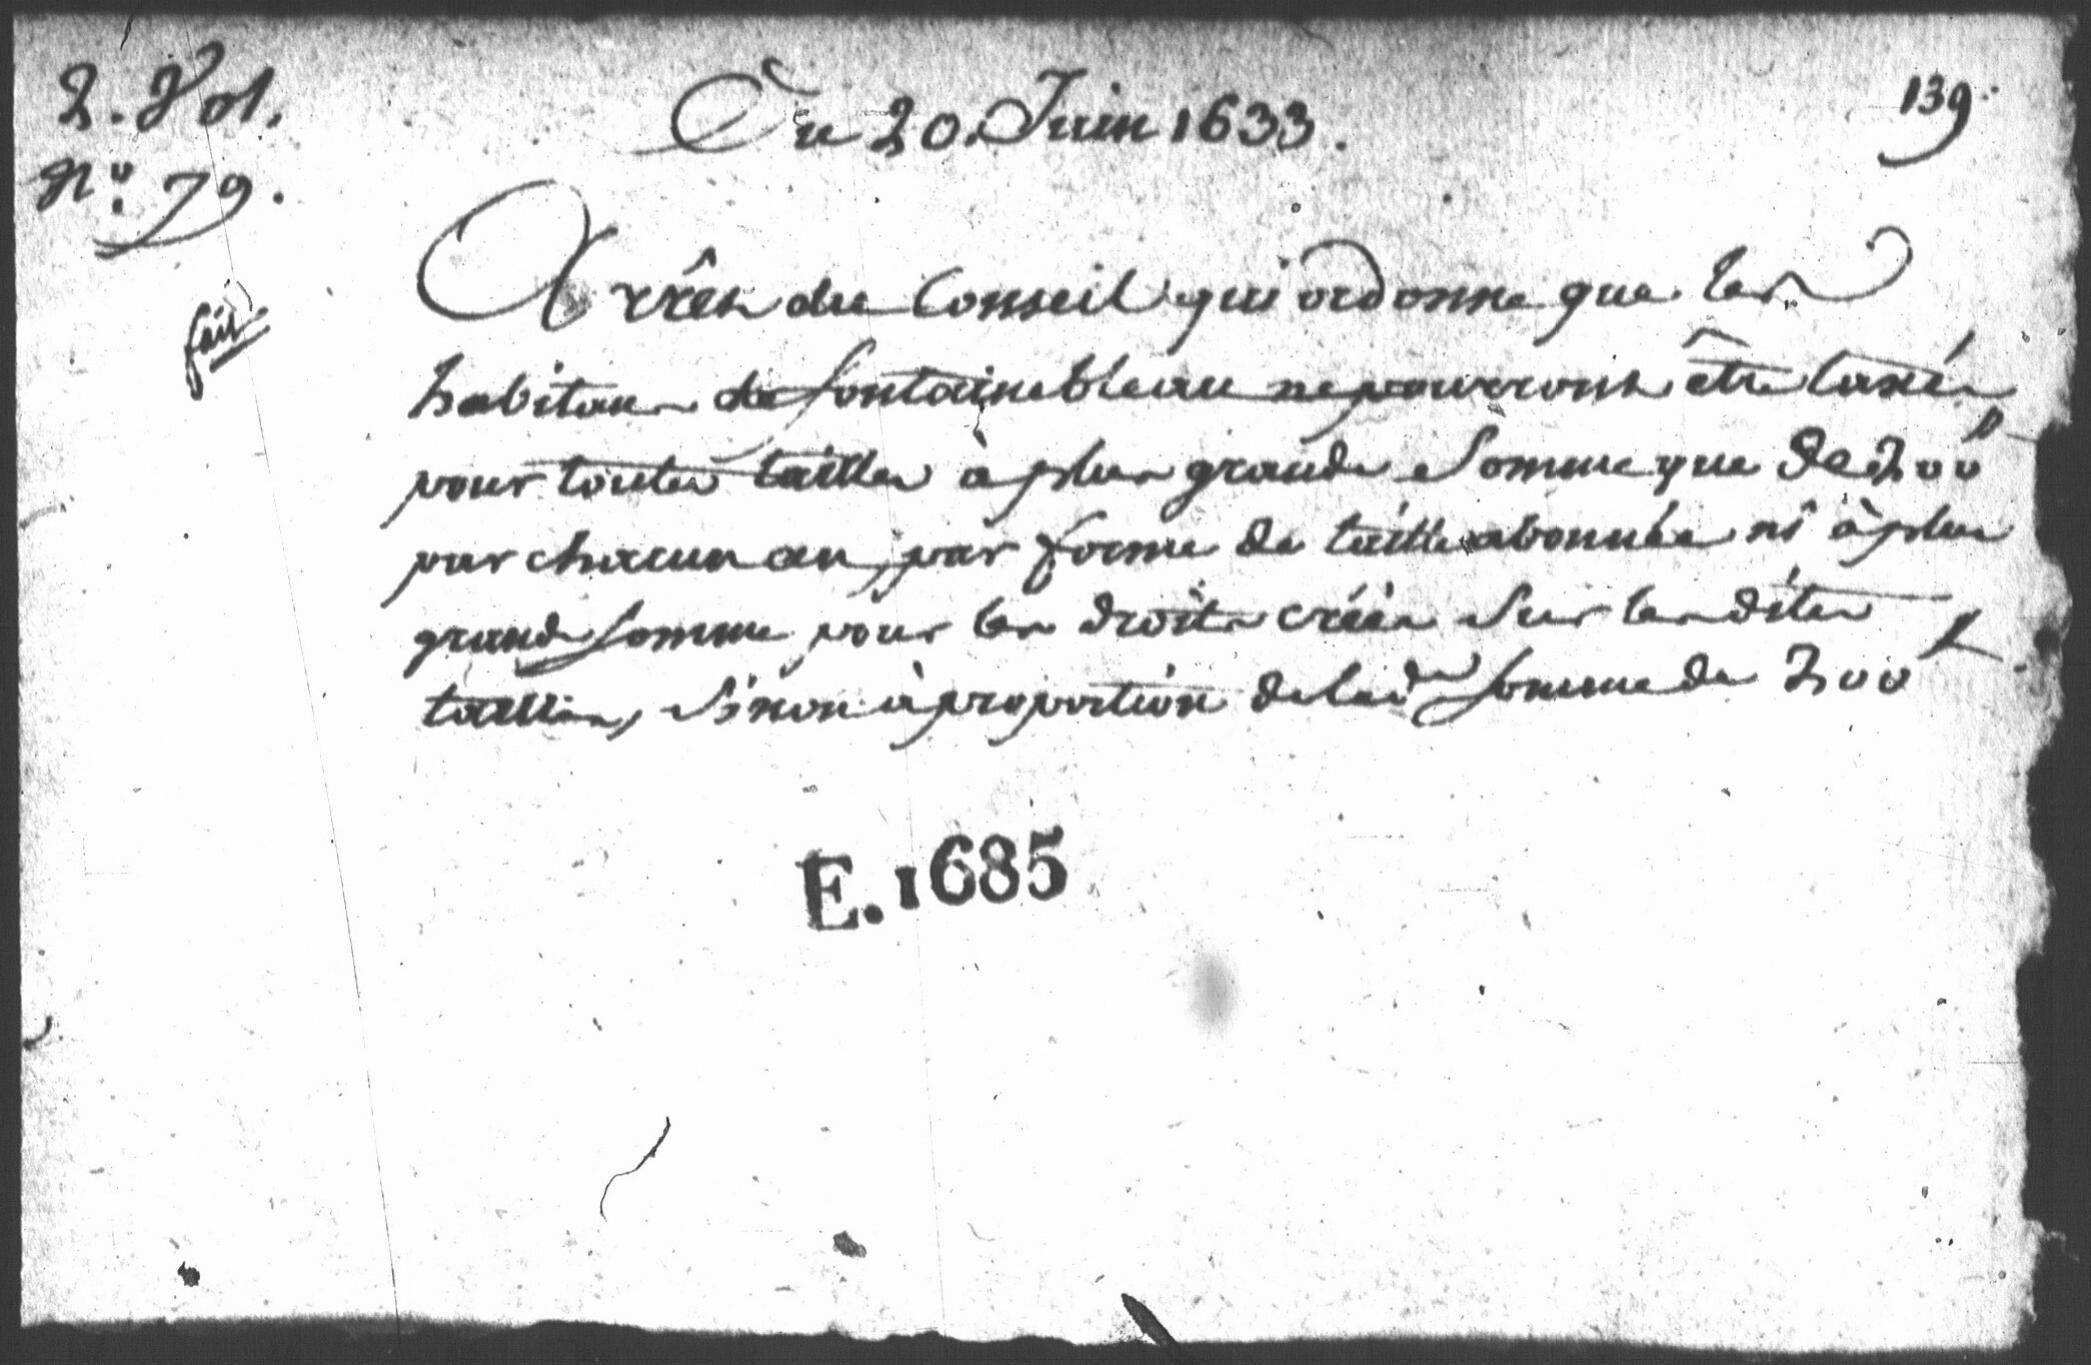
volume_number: n°79
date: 20 juin 1633
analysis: fait 139
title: Arrêt du Conseil qui ordonne que les habitans de Fontainebleau ne pourront être taxés pour toutes tailles à plus grande somme que de 200# par chacun an, par forme de taille abonnée ni à plus grande somme pour les droits créés sur lesdites tailles, sinon à proportion de lade somme de 200 #
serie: E
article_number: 1685
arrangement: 2. vol.
